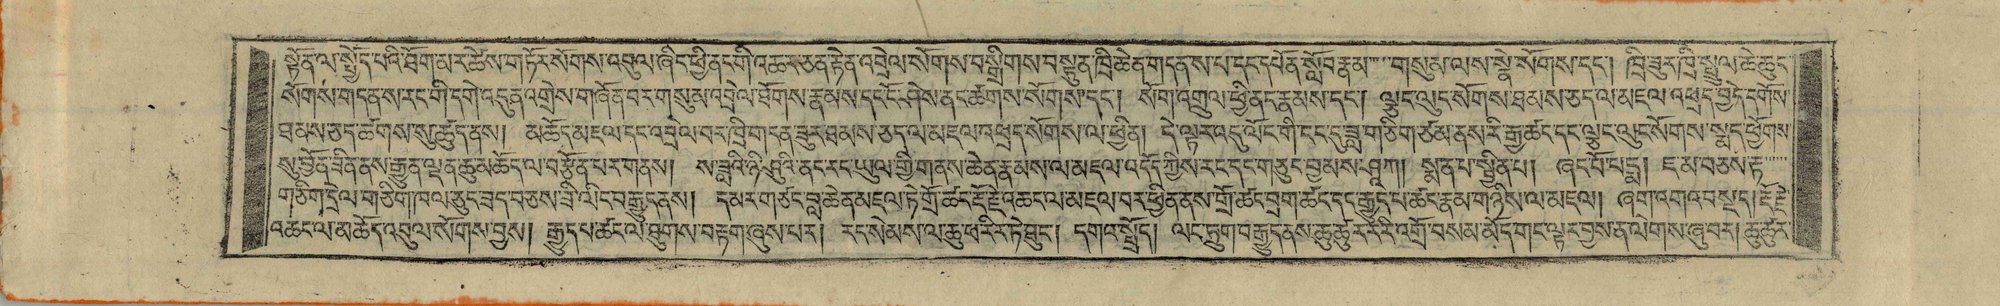སྟོན་ལ་སྤྱོད་པའི་ཐོག་མར་ཆོས་གཏོར་སོགས་འབུལ་ཞིང་ཕྱི་ནང་གི་འཆར་ཅན་རྟེན་འབྲེལ་སོགས་བསྒྲིགས་བསྟུན་ཁྲི་ཆེན་གདན་ས་པ་དང་དཔོན་སློབ་རྣམས་པ་གསུམ་ལས་སྣེ་སོགས་དང་། ཁྲི་ཟུར་ཁྲི་སྤྲུལ་ཆེ་ཆུང་
སོགས་གདན་ས་རང་གི་དགེ་འདུན་འགྲེས་གཞོན་བར་གསུམ་འབྲེལ་ཐོགས་རྣམས་དང་ངོ་ཤེས་ནང་ཚགས་སོགས་དང་། སོག་འགྲུལ་ཕྱི་ནང་རྣམས་དང་། ལྕང་ལུང་སོགས་ཐམས་ཅད་ལ་མཇལ་འཕྲད་བྱེད་དགོས་
ཐམས་ཅད་ཚགས་སུ་ཚུད་ནས། མཆོད་མཇལ་དང་འབྲེལ་བར་ཁྲི་གདན་ཟུར་ཐམས་ཅད་ལ་མཇལ་འཕྲད་སོགས་ལ་ཕྱིན། དེ་ལྟར་འདུ་ལོང་གི་ངང་དུ་ཟླ་གཅིག་ཙམ་ནས་རི་རྒྱ་ཚང་དང་ལྕང་ལུང་སོགས་སྨད་ཕྱོགས་
སུ་བྱོན་ཟིན་ནས་རྒྱུན་ལྡན་ཆུ་མཆོད་ལ་བརྩོན་པར་གནས། ས་ཟླའི་ཉི་ཤུའི་ནང་རང་ཡུལ་གྱི་གནས་ཆེན་རྣམས་ལ་མཇལ་འདོད་ཀྱིས་རང་དང་གཅུང་བྱམས་ཤཱཀ། སྨན་པ་སྦྱིན་པ། ཞང་པོ་པདམ། ཇ་མ་བཅས་རྟ་
གཅིག་དྲེལ་གཅིག་ཁལ་ཅུང་ཟད་བཅས་ཟི་ལིང་བརྒྱུད་ནས། དམར་གཙང་བླ་ཆེན་མཇལ་ཏེ་གྲོ་ཚང་རྡོ་རྗེ་འཆང་ལ་མཇལ་བར་ཕྱིན་ནས་གྲོ་ཚང་བྲག་ཚང་དང་རྒྱུད་པ་ཚང་རྣམ་གཉིས་ལ་མཇལ། ཞག་འགའ་བསྡད། རྡོ་རྗེ་
འཆང་ལ་མཆོད་འབུལ་སོགས་བྱས། རྒྱུད་པ་ཚང་ལ་ཐུགས་བརྟག་ཞུས་པར། རང་སེམས་ལ་ཆུ་ཕ་རིར་ཏེ་ཐུང་། དགའ་སྤྲོད། ལང་ཏྲུག་བརྒྱུད་ནས་ཆུ་ཚུར་རིར་འགྲོ་བསམ་མོད་གང་ལྟར་བྱས་ན་ལེགས་ཞུ་བར། ཆུ་ཚུར་